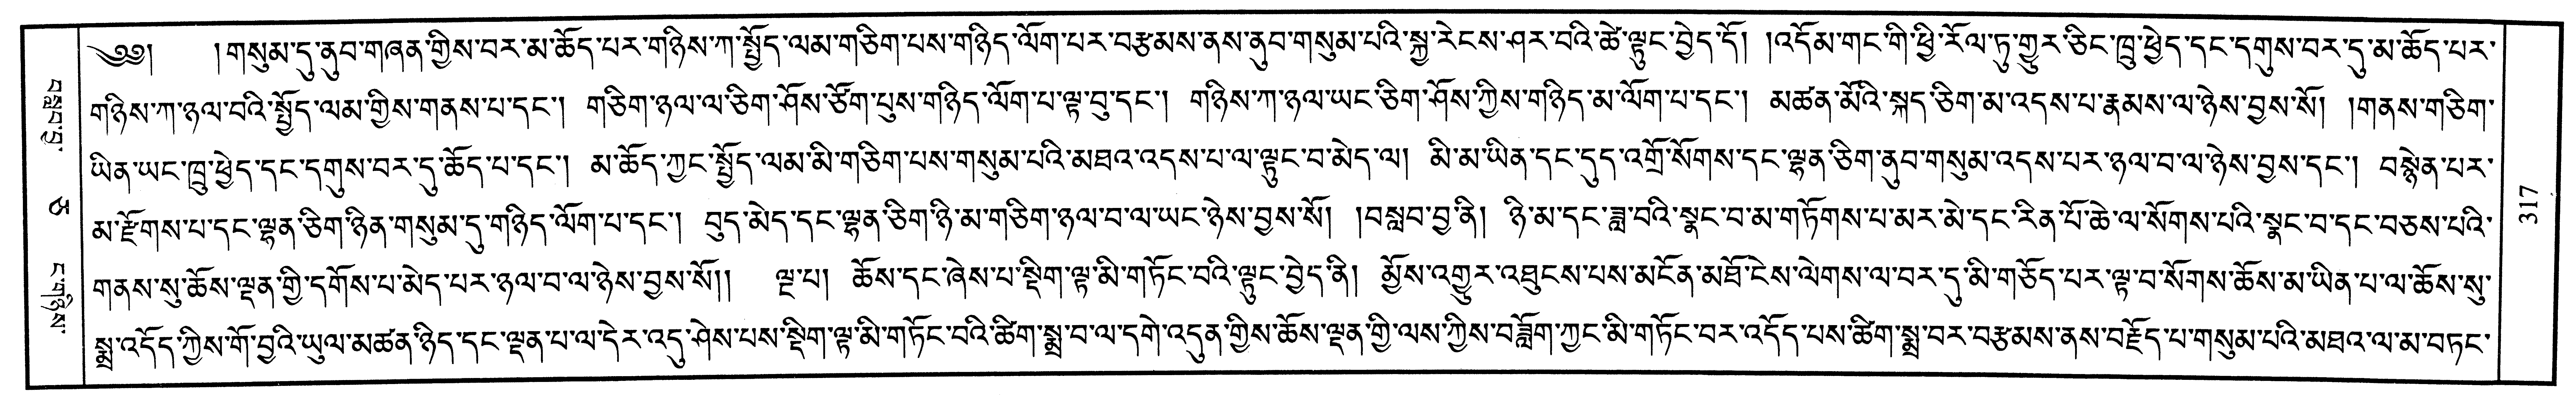༄༅། །གསུམ་དུ་ནུབ་གཞན་གྱིས་བར་མ་ཆོད་པར་གཉིས་ཀ་སྤྱོད་ལམ་གཅིག་པས་གཉིད་ལོག་པར་བརྩམས་ནས་ནུབ་གསུམ་པའི་སྐྱ་རེངས་ཤར་བའི་ཚེ་ལྟུང་བྱེད་དོ། །འདོམ་གང་གི་ཕྱི་རོལ་ཏུ་གྱུར་ཅིང་ཁྲུ་ཕྱེད་དང་དགུས་བར་དུ་མ་ཆོད་པར་
གཉིས་ཀ་ཉལ་བའི་སྤྱོད་ལམ་གྱིས་གནས་པ་དང་། གཅིག་ཉལ་ལ་ཅིག་ཤོས་ཙོག་པུས་གཉིད་ལོག་པ་ལྟ་བུ་དང་། གཉིས་ཀ་ཉལ་ཡང་ཅིག་ཤོས་ཀྱིས་གཉིད་མ་ལོག་པ་དང་། མཚན་མོའི་སྐད་ཅིག་མ་འདས་པ་རྣམས་ལ་ཉེས་བྱས་སོ། །གནས་གཅིག་
ཡིན་ཡང་ཁྲུ་ཕྱེད་དང་དགུས་བར་དུ་ཆོད་པ་དང་། མ་ཆོད་ཀྱང་སྤྱོད་ལམ་མི་གཅིག་པས་གསུམ་པའི་མཐའ་འདས་པ་ལ་ལྟུང་བ་མེད་ལ། མི་མ་ཡིན་དང་དུད་འགྲོ་སོགས་དང་ལྷན་ཅིག་ནུབ་གསུམ་འདས་པར་ཉལ་བ་ལ་ཉེས་བྱས་དང་། བསྙེན་པར་
མ་རྫོགས་པ་དང་ལྷན་ཅིག་ཉིན་གསུམ་དུ་གཉིད་ལོག་པ་དང་། བུད་མེད་དང་ལྷན་ཅིག་ཉི་མ་གཅིག་ཉལ་བ་ལ་ཡང་ཉེས་བྱས་སོ། །བསླབ་བྱ་ནི། ཉི་མ་དང་ཟླ་བའི་སྣང་བ་མ་གཏོགས་པ་མར་མེ་དང་རིན་པོ་ཆེ་ལ་སོགས་པའི་སྣང་བ་དང་བཅས་པའི་
གནས་སུ་ཆོས་ལྡན་གྱི་དགོས་པ་མེད་པར་ཉལ་བ་ལ་ཉེས་བྱས་སོ།། ལྔ་པ། ཆོས་དང་ཞེས་པ་སྡིག་ལྟ་མི་གཏོང་བའི་ལྟུང་བྱེད་ནི། མྱོས་འགྱུར་འཐུངས་པས་མངོན་མཐོ་ངེས་ལེགས་ལ་བར་དུ་མི་གཅོད་པར་ལྟ་བ་སོགས་ཆོས་མ་ཡིན་པ་ལ་ཆོས་སུ་
སྨྲ་འདོད་ཀྱིས་གོ་བྱའི་ཡུལ་མཚན་ཉིད་དང་ལྡན་པ་ལ་དེར་འདུ་ཤེས་པས་སྡིག་ལྟ་མི་གཏོང་བའི་ཚིག་སྨྲ་བ་ལ་དགེ་འདུན་གྱིས་ཆོས་ལྡན་གྱི་ལས་ཀྱིས་བཟློག་ཀྱང་མི་གཏོང་བར་འདོད་པས་ཚིག་སྨྲ་བར་བརྩམས་ནས་བརྗོད་པ་གསུམ་པའི་མཐའ་ལ་མ་བཏང་